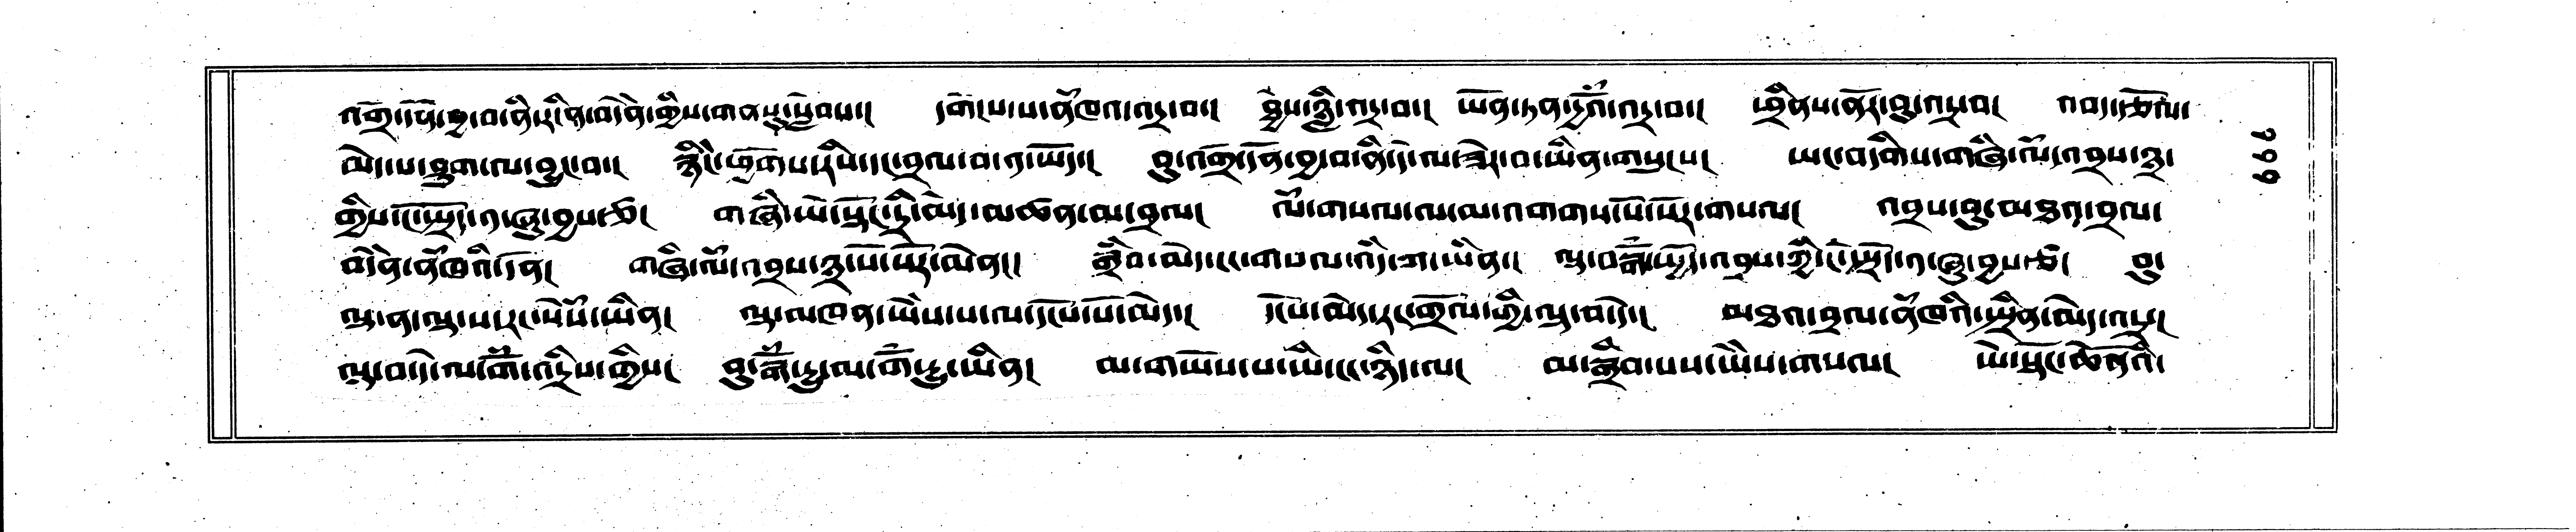འགྲོ་དོན་བྱ་བ་ནི་རང་བཞིན་བདེ་ཆེན་གྱིས་གནས་སུ་སླེབ། དགོངས་པ་ནམ་མཁའ་འདྲ་བ། ཐུགས་རྗེ་ཉི་ཟླ་འདྲ་བ། ཡོན་ཏན་རྒྱ་མཚོ་འདྲ་བ། འཕྲིན་ལས་ནོར་བུ་འདྲ་བ། འབད་རྩོལ་
མེད་པར་ཤུགས་ལ་འབྱུང་བ། སྙིང་རྗེ་ཕྱོགས་རིས་དང་བྲལ་བ་གཅིག་ཡོད། བུ་འགྲོ་དོན་བྱ་བ་ནི་དེ་ལ་ཟེར་བ་ཡིན་གསུངས། ཡང་བདག་གིས་གཞི་ལམ་འབྲས་གསུམ་
གྱིས་ངོ་སྤྲོད་ཞུ་བྱས་ཙ། གཞི་ཡེ་སྟོང་དྲི་མེད་མཚན་མ་བྲལ། ལམ་གསལ་ལ་མ་འགག་སོ་སོར་གསལ། འབྲས་བུ་མཐའ་བྲལ་
བདེ་ཆེན་ནམ་མཁའི་དོན། གཞི་ལམ་འབྲས་གསུམ་སོ་སོར་མིན། སྒྲིབས་མེད་ངང་གསལ་འདི་ཀ་ཡིན། ལྟ་བྷོམ་(སྒོམ)་སྤྱོད་འབྲས་གྱི་ངོ་སྤྲོད་ཞུ་བྱས་ཙ། བུ་
ལྟ་ན་ལྟ་ས་རང་སེམས་ཡིན། ལྟ་མཁན་ཡེ་ཤེས་ས་ལ་དངོས་པོ་མེད། དངོས་མེད་རང་གྲོལ་གྱིས་ལྟ་བ་དེ། མཐའ་བྲལ་ནམ་མཁའི་སྤྲིན་མེད་འདྲ། 
ལྟ་བ་དེ་ལ་གོམ་འདྲིས་གྱིས། བུ་སྒོམ་རྒྱུ་མ་ཡིན་གོམ་རྒྱུ་ཡིན། མ་གཡོ་པའི་ངང་ཉིད་ལ། མ་སྒྲིབ་པའི་ཡེ་ཤེས་གསལ། ཡེ་སྟོང་ཆེན་པོའི་